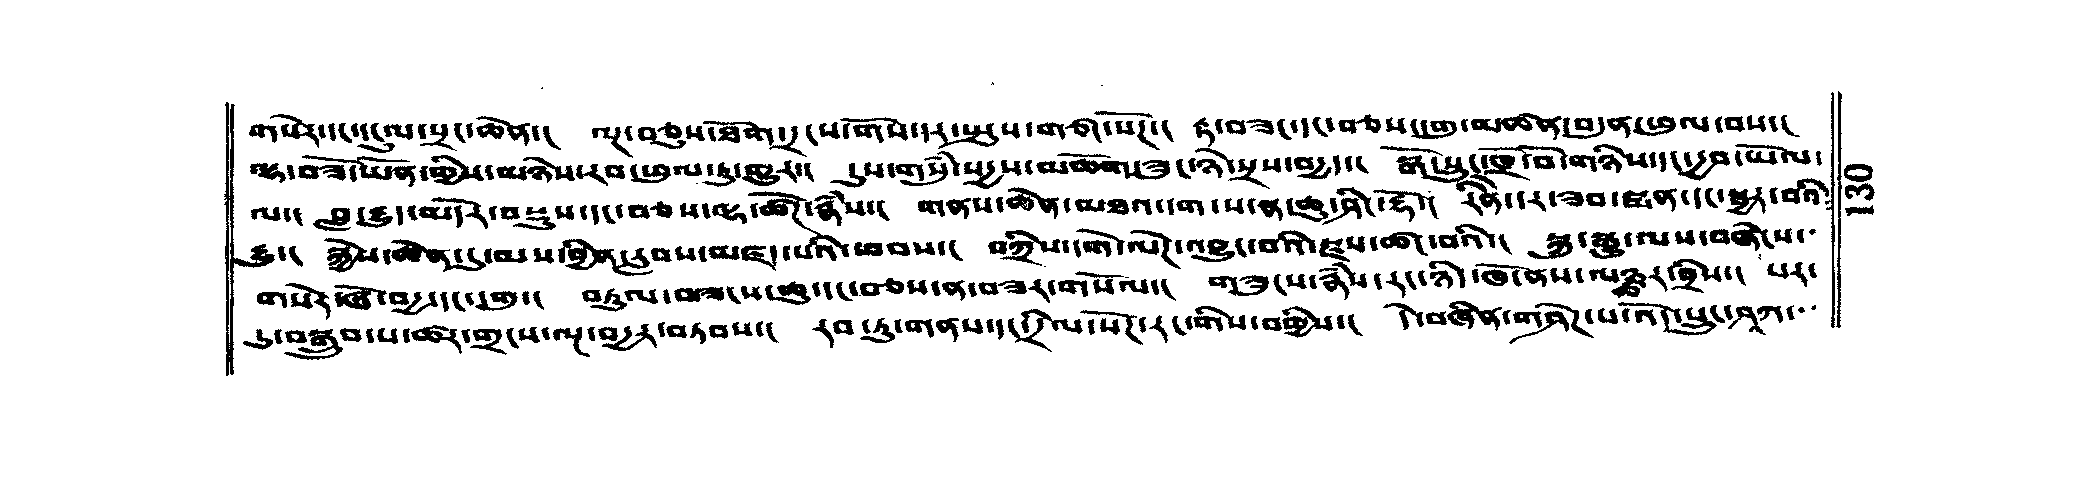གསེར་དང་དངུལ་སྲང་ཆེན། །ལྔ་བཅུས་ཐོག་དྲངས་གོས་དར་སྤུས་གཙང་སོགས། །རྟ་བཟང་དང་བཅས་དགུ་མཚན་བདུན་ཕུལ་བས། །
ལྷ་བཟོ་ཡོན་གྱིས་མཉེས་རབ་ཕུལ་ཏུ་གྱུར། །དུས་གསུམ་སངས་རྒྱས་མཆོག་ཟུང་ཉེ་སྲས་བརྒྱད། །སྒོ་སྲུང་ཁྲོ་བོ་གཉིས་དང་རྒྱབ་ཡོལ་
ལ། །བླ་བརྒྱུད་མདོར་བསྡུས་དང་བཅས་ལྷ་ཚོགས་རྣམས། །གནས་ཆེན་མཐའ་དག་ས་སྣ་ཆུ་ཤིང་རྡོ། །རིན་ཆེན་དར་ཟབ་སྨན་དང་སྦྱར་བའི་
རྒྱུ། །སྐྱེས་ཆེན་དུ་མས་བྱིན་རླབས་མཛད་པའི་ཕབས། །བཀྲ་ཤིས་དགེ་ལེགས་འབྱུང་བའི་རྫས་ཚང་བའི། །སྐུ་སྒྱུ་ལས་བཞེངས་
གསེར་ཞོ་བརྒྱ་དང་དགུ། །བཏུལ་བ་ཟངས་ཆུ་དང་བཅས་ན་བཟར་གསོལ། །གཟུངས་རྣམས་རང་ཉིད་ཁོ་ནས་ལཉྪ་བྲིས། །པར་
དུ་བསྒྲུབ་པ་ཚར་གྲངས་ལྔ་བརྒྱར་བཏབས། །རབ་ཏུ་གནས་དང་དྲིལ་སོགས་རང་གིས་བགྱིས། །དེ་བཞིན་གཤེགས་པ་འོད་སྲུང་ཤཱཀྱ་